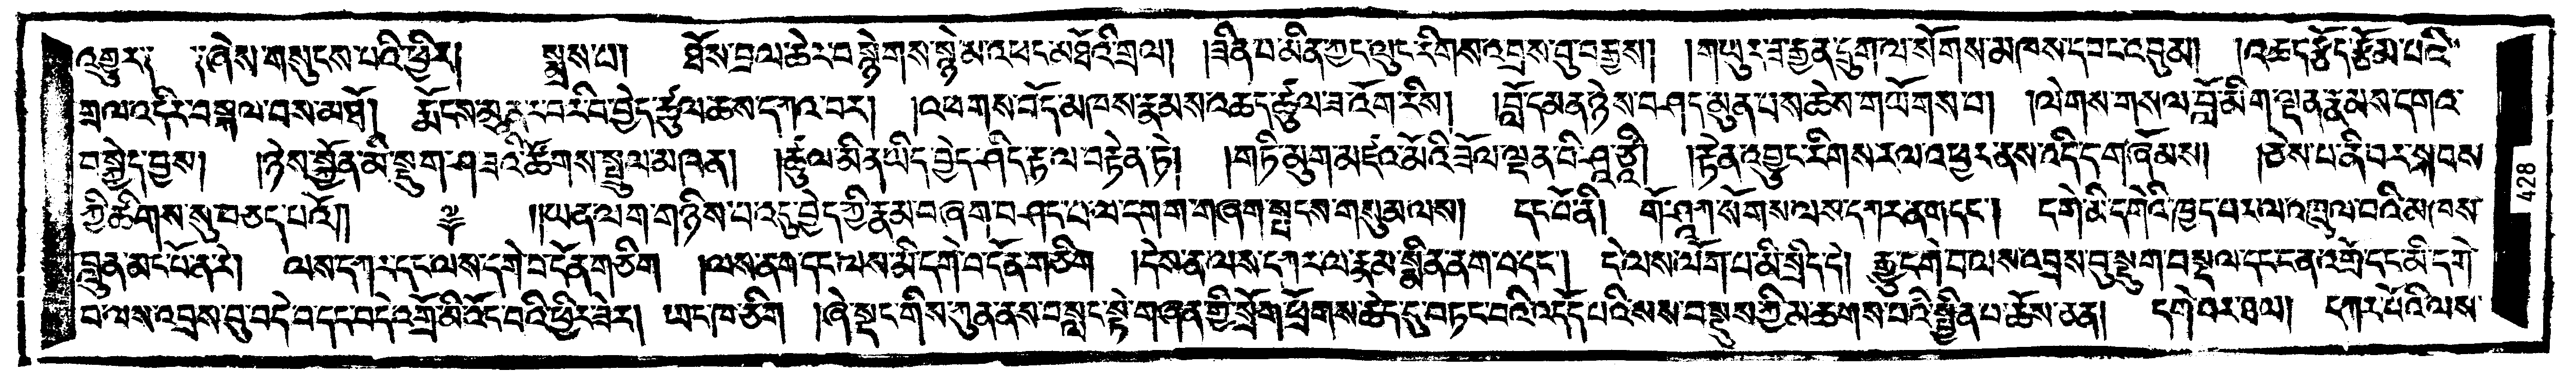འགྱུར༑ ༑ཞེས་གསུངས་པའི་ཕྱིར། སྨྲས་པ། ཐོས་བྲལ་ཆེར་བསྙེགས་སྙེམ་འཕང་མཐོའི་གྲལ། །ཟིན་པ་མིན་ཀྱང་ལུང་རིགས་འབྲས་བུ་བརྒྱས། །གཡུར་ཟ་རྒྱན་དྲུག་ལ་སོགས་མཁས་དབང་འབུམ། །འཆད་རྩོད་རྩོམ་པའི་
གྲལ་འདིར་བསྐལ་བས་མཐོ། རྨོངས་མུན་རབ་རིབ་བྱེད་ཚུལ་ཆས་དཀའ་བར། །འཕགས་བོད་མཁས་རྣམས་འཆད་ཚུལ་ཟ་འོག་རིས། །བློ་དམན་ཉེས་བཤད་མུན་པས་ཆེས་གཡོགས་བ། །ལེགས་གསལ་བློ་མིག་ལྡན་རྣམས་དགའ་
བསྐྱེད་བྱས། །ཉེས་སྐྱོན་མི་སྡུག་ཤ་ཟའི་ཚོགས་སྤྲུལ་མཁན། །ཚུལ་མིན་ཡིད་བྱེད་ཤིང་རྟ་ལ་བརྟེན་ཏེ། །གཏི་མུག་མཛའ་མོའི་ཟོལ་ལྡན་བི་ཤཱ་ཙའི། །རྟེན་འབྱུང་རིགས་རལ་འཕྱར་ནས་འདི་ད་གཞོམས། །ཅེས་པ་ནི་བར་སྐབས་
ཀྱི་ཚིགས་སུ་བཅད་པའོ།། ༈ །།ཡན་ལག་གཉིས་པ་འདུ་བྱེད་ཀྱི་རྣམ་བཞག་བཤད་པ་ལ་དགག་གཞག་སྤངས་གསུམ་ལས། དང་བོ་ནི། གོ་ཤཱཀ་སོགས་ལས་དཀར་ནག་དང་། དགེ་མི་དགེའི་ཁྱད་པར་ལ་འཁྲུལ་བའི་མཁས་
བླུན་མང་པོ་ན་རེ། ལས་དཀར་དང་ལས་དགེ་བ་དོན་གཅིག །ལས་ནག་དང་ལས་མི་དགེ་བ་དོན་གཅིག །དེས་ན་ལས་དཀར་ལ་རྣམ་སྨིན་ནག་པ་དང་། དེ་ལས་ལོག་པ་མི་སྲིད་དེ། རྒྱུ་དགེ་བ་ལས་འབྲས་བུ་སྡུག་བསྔལ་དང་ངན་འགྲོ་དང་མི་དགེ་
བ་ལས་འབྲས་བུ་བདེ་བ་དང་བདེ་འགྲོ་མི་འོང་བའི་ཕྱིར་ཟེར། ཡང་ཁ་ཅིག །ཞེ་སྡང་གིས་ཀུན་ནས་བསླང་སྟེ་གཞན་གྱི་སྲོག་ཕྲོགས་ཆེད་དུ་བཏང་བའི་འདོད་པའི་སས་བསྡུས་ཀྱི་མ་ཆགས་པའི་སྦྱིན་པ་ཆོས་ཅན། དགེ་བར་ཐལ། དཀར་པོའི་ལས་